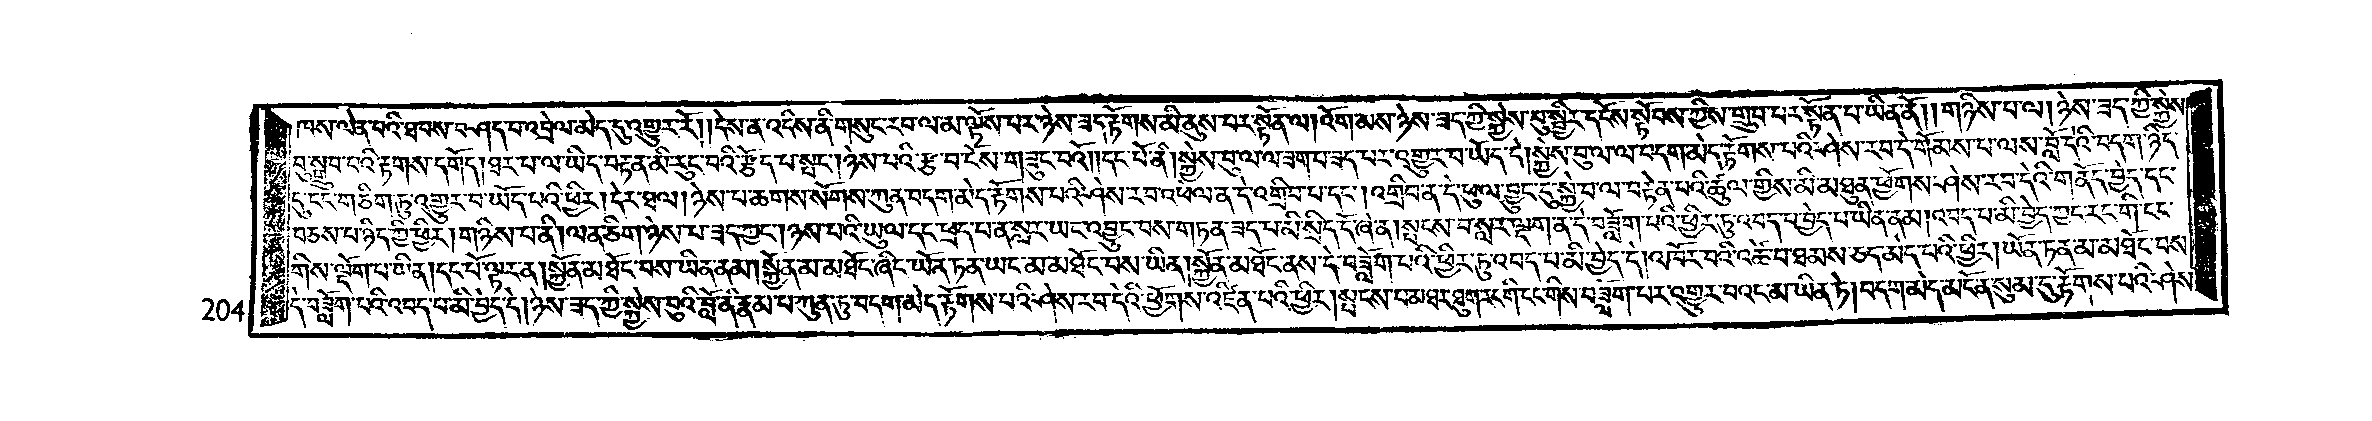ཁས་ལེན་པའི་ཐབས་བཤད་པ་འབྲེལ་མེད་དུ་འགྱུར་རོ། །དེས་ན་འདིས་ནི་གསུང་རབ་ལ་མ་ལྟོས་པར་ཉེས་ཟད་རྟོགས་མི་ནུས་པར་སྟོན་ལ། འོག་མས་ཉེས་ཟད་ཀྱི་སྐྱེས་བུ་སྤྱིར་དངོས་སྟོབས་ཀྱིས་གྲུབ་པར་སྟོན་པ་ཡིན་ནོ། །གཉིས་པ་ལ། ཉེས་ཟད་ཀྱི་སྐྱེས་
བུ་སྒྲུབ་པའི་རྟགས་དགོད། ཐར་པ་ལ་ཡིད་བརྟན་མི་རུང་བའི་རྩོད་པ་སྤང་། ཉེས་པའི་རྩ་བ་ངོས་གཟུང་བའོ། །དང་པོ་ནི། སྐྱེས་བུ་ལ་ལ་ཟག་པ་ཟད་པར་འགྱུར་བ་ཡོད་དེ། སྐྱེས་བུ་ལ་ལ་བདག་མེད་རྟོགས་པའི་ཤེས་རབ་དེ་གོམས་པ་ལས་བློ་དེའི་བདག་ཉིད་
དུ་ངང་གཅིག་ཏུ་འགྱུར་བ་ཡོད་པའི་ཕྱིར། དེར་ཐལ། ཉེས་པ་ཆགས་སོགས་ཀུན་བདག་མེད་རྟོགས་པའི་ཤེས་རབ་འཕེལ་ན་དེ་འགྲིབ་པ་དང་། འགྲིབ་ན་དེ་ཕུལ་བྱུང་དུ་སྐྱེ་བ་ལ་བརྟེན་པའི་ཚུལ་གྱིས་མི་མཐུན་ཕྱོགས་ཤེས་རབ་དེའི་གནོད་བྱེད་དང་
བཅས་པ་ཉིད་ཀྱི་ཕྱིར། གཉིས་པ་ནི། ལན་ཅིག་ཉེས་པ་ཟད་ཀྱང་། ཉེས་པའི་ཡུལ་དང་ཕྲད་པ་ན་སླར་ཡང་འབྱུང་བས་གཏན་ཟད་པ་མི་སྲིད་དོ་ཞེ་ན། སྤངས་པ་སླར་ལྡོག་?་ན་དེ་བཟློག་པའི་ཕྱིར་ཏུ་འབད་པ་བྱེད་པ་ཡིན་ནམ། འབད་པ་མི་བྱེད་ཀྱང་རང་གི་ངང་
གིས་ལྡོག་པ་ཡིན། དང་པོ་ལྟར་ན། སྐྱོན་མཐོང་བས་ཡིན་ནམ། སྐྱོན་མ་མཐོང་ཞིང་ཡོན་ཏན་ཡང་མ་མཐོང་བས་ཡིན། སྐྱོན་མཐོང་ནས་དེ་བཟློག་པའི་ཕྱིར་ཏུ་འབད་པ་མི་བྱེད་དེ། འཁོར་བའི་འཚེ་བ་ཐམས་ཅད་མེད་པའི་ཕྱིར། ཡོན་ཏན་མ་མཐོང་བས་
དེ་བཟློག་པའི་འབད་པ་མི་བྱེད་དེ། ཉེས་ཟད་ཀྱི་སྐྱེས་བུའི་བློ་ནི་རྣམ་པ་ཀུན་ཏུ་བདག་མེད་རྟོགས་པའི་ཤེས་རབ་དེའི་ཕྱོགས་འཛིན་པའི་ཕྱིར། སྤངས་པ་མཐར་ཐུག་རང་གི་ངང་གིས་བཟློག་པར་འགྱུར་བའང་མ་ཡིན་ཏེ། བདག་མེད་མངོན་སུམ་དུ་རྟོགས་པའི་ཤེས་